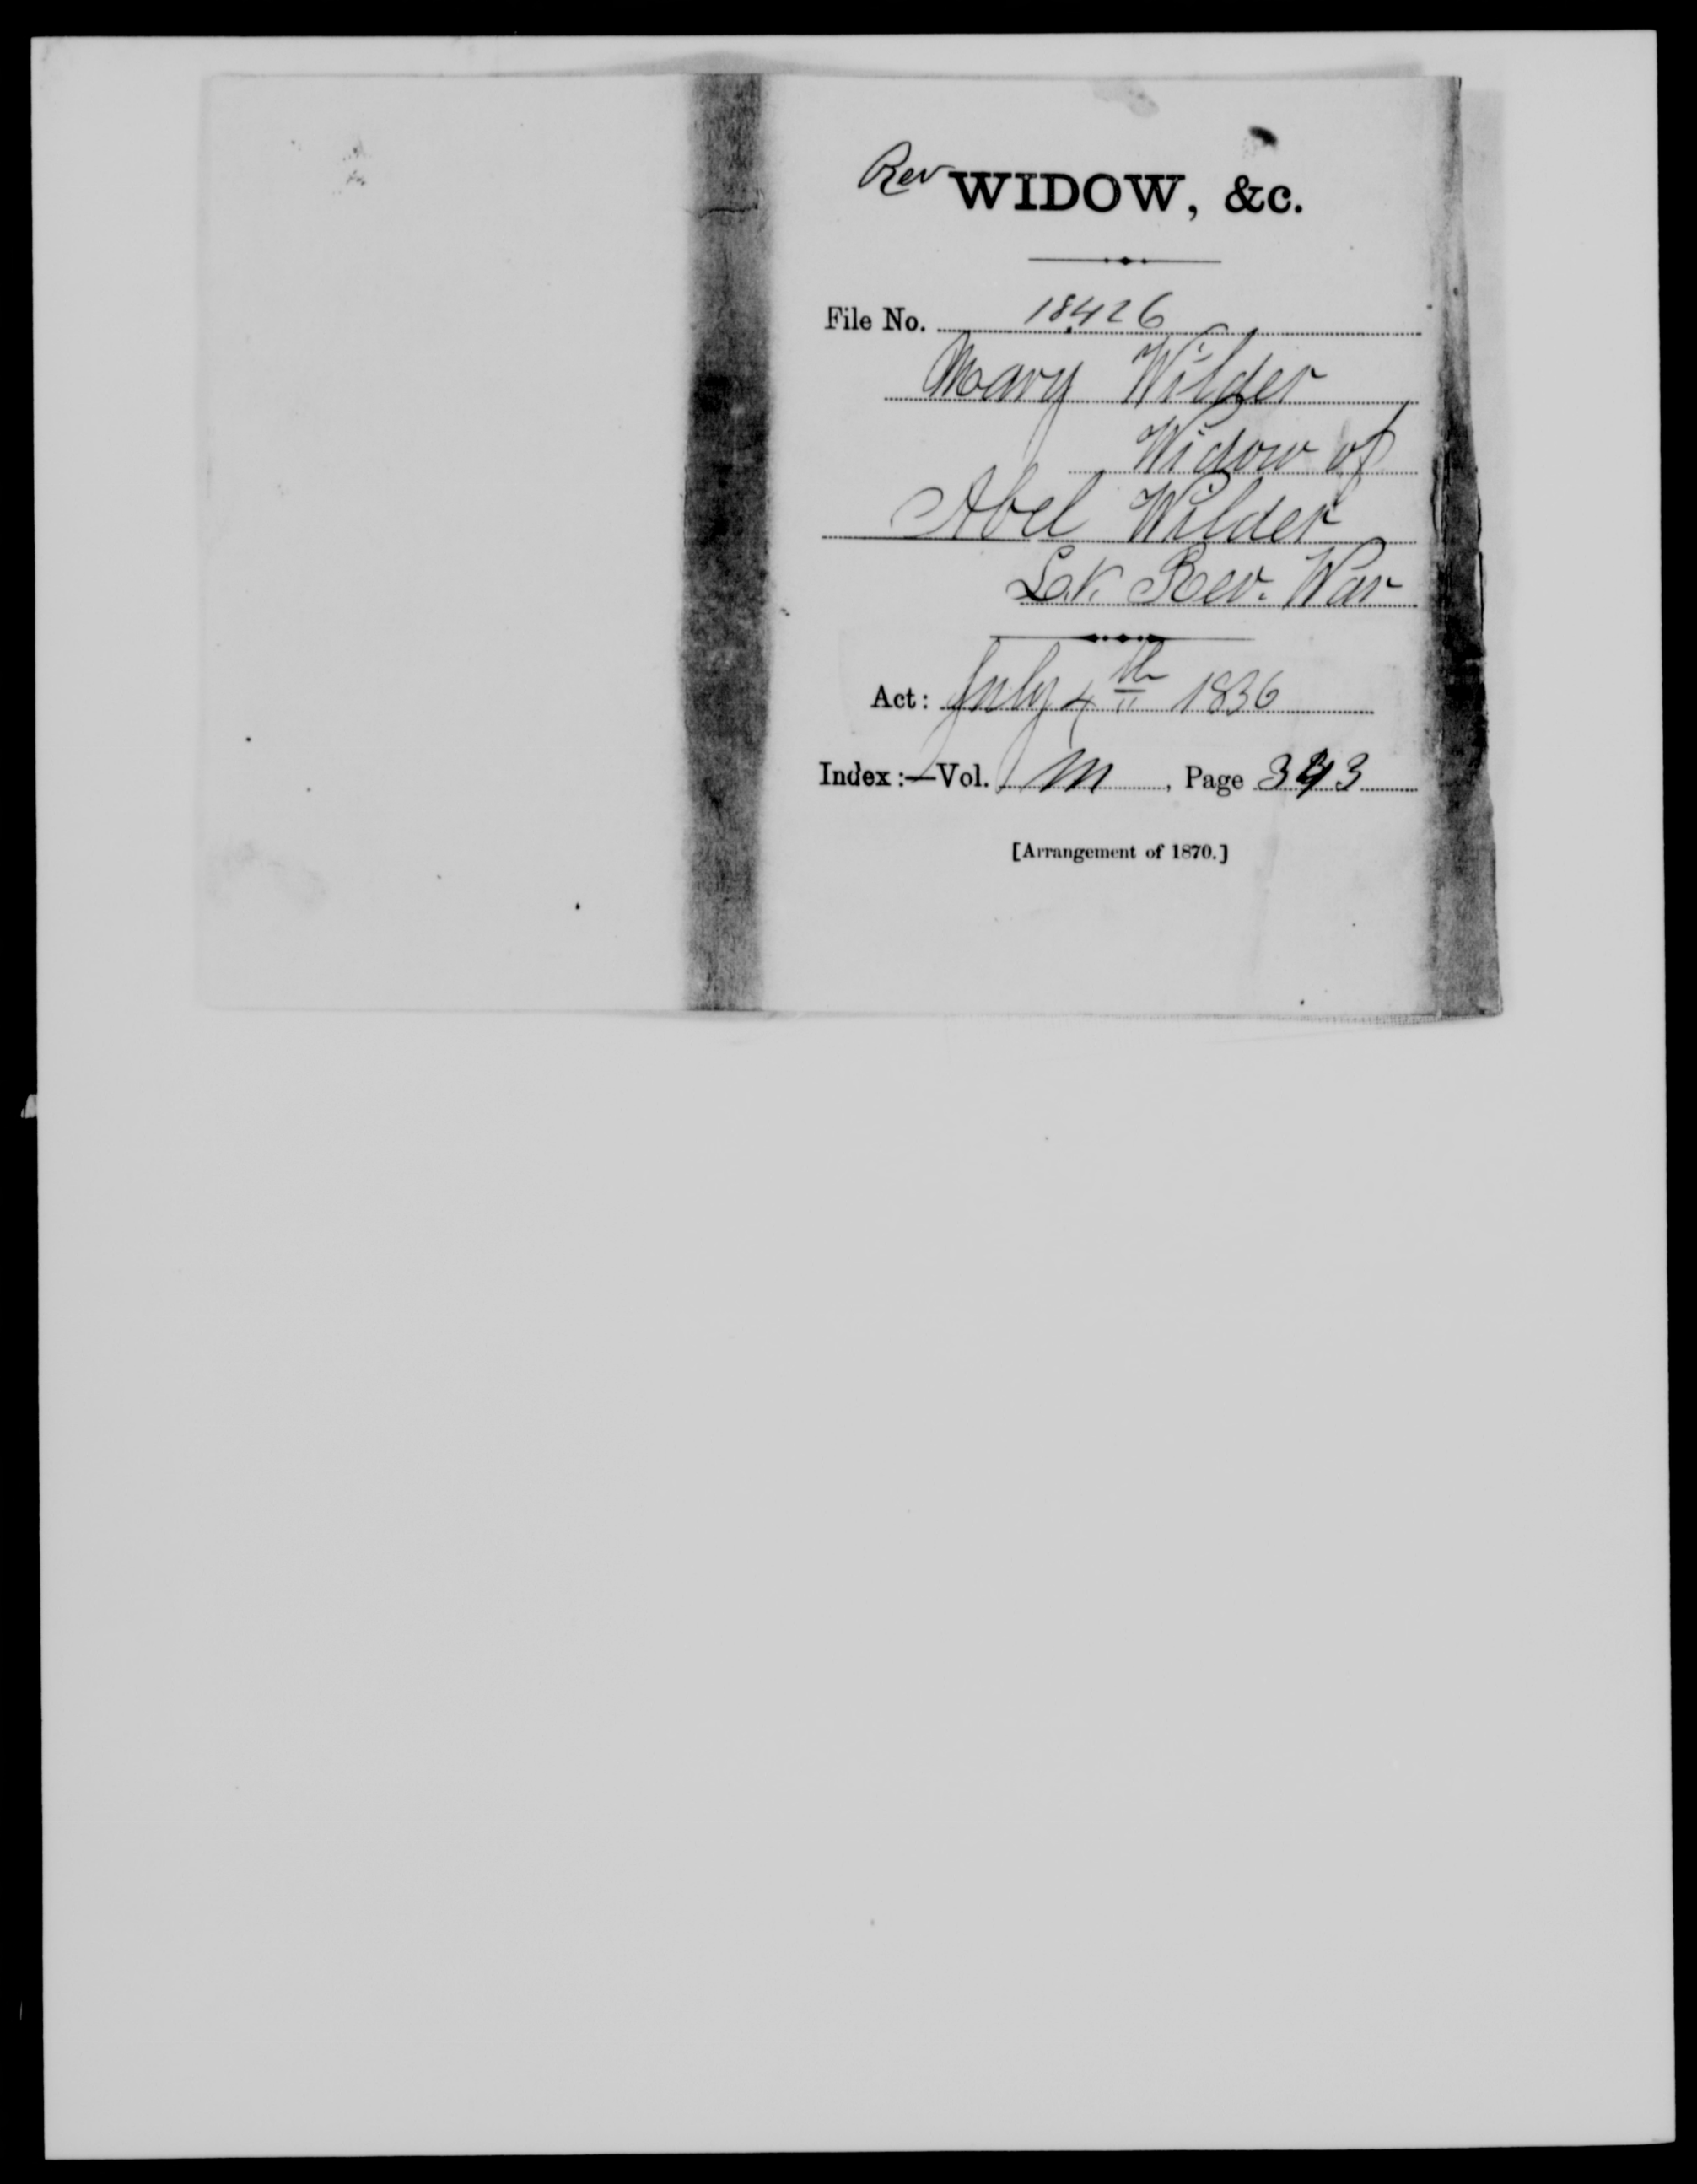Rev WIDOW, &c.
File No. 18426,
Mary Wilder
Widow of
Abel Wilder 
Lt. Rev. War 
Act: July 4th 1836
Index: Vol. M, Page 343
[Arrangement of 1870.]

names: Abel Wilder, Mary Wilder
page: 35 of 40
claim: widow's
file: W. 18,426, Abel Wilder, Mass. N.H. Vt.